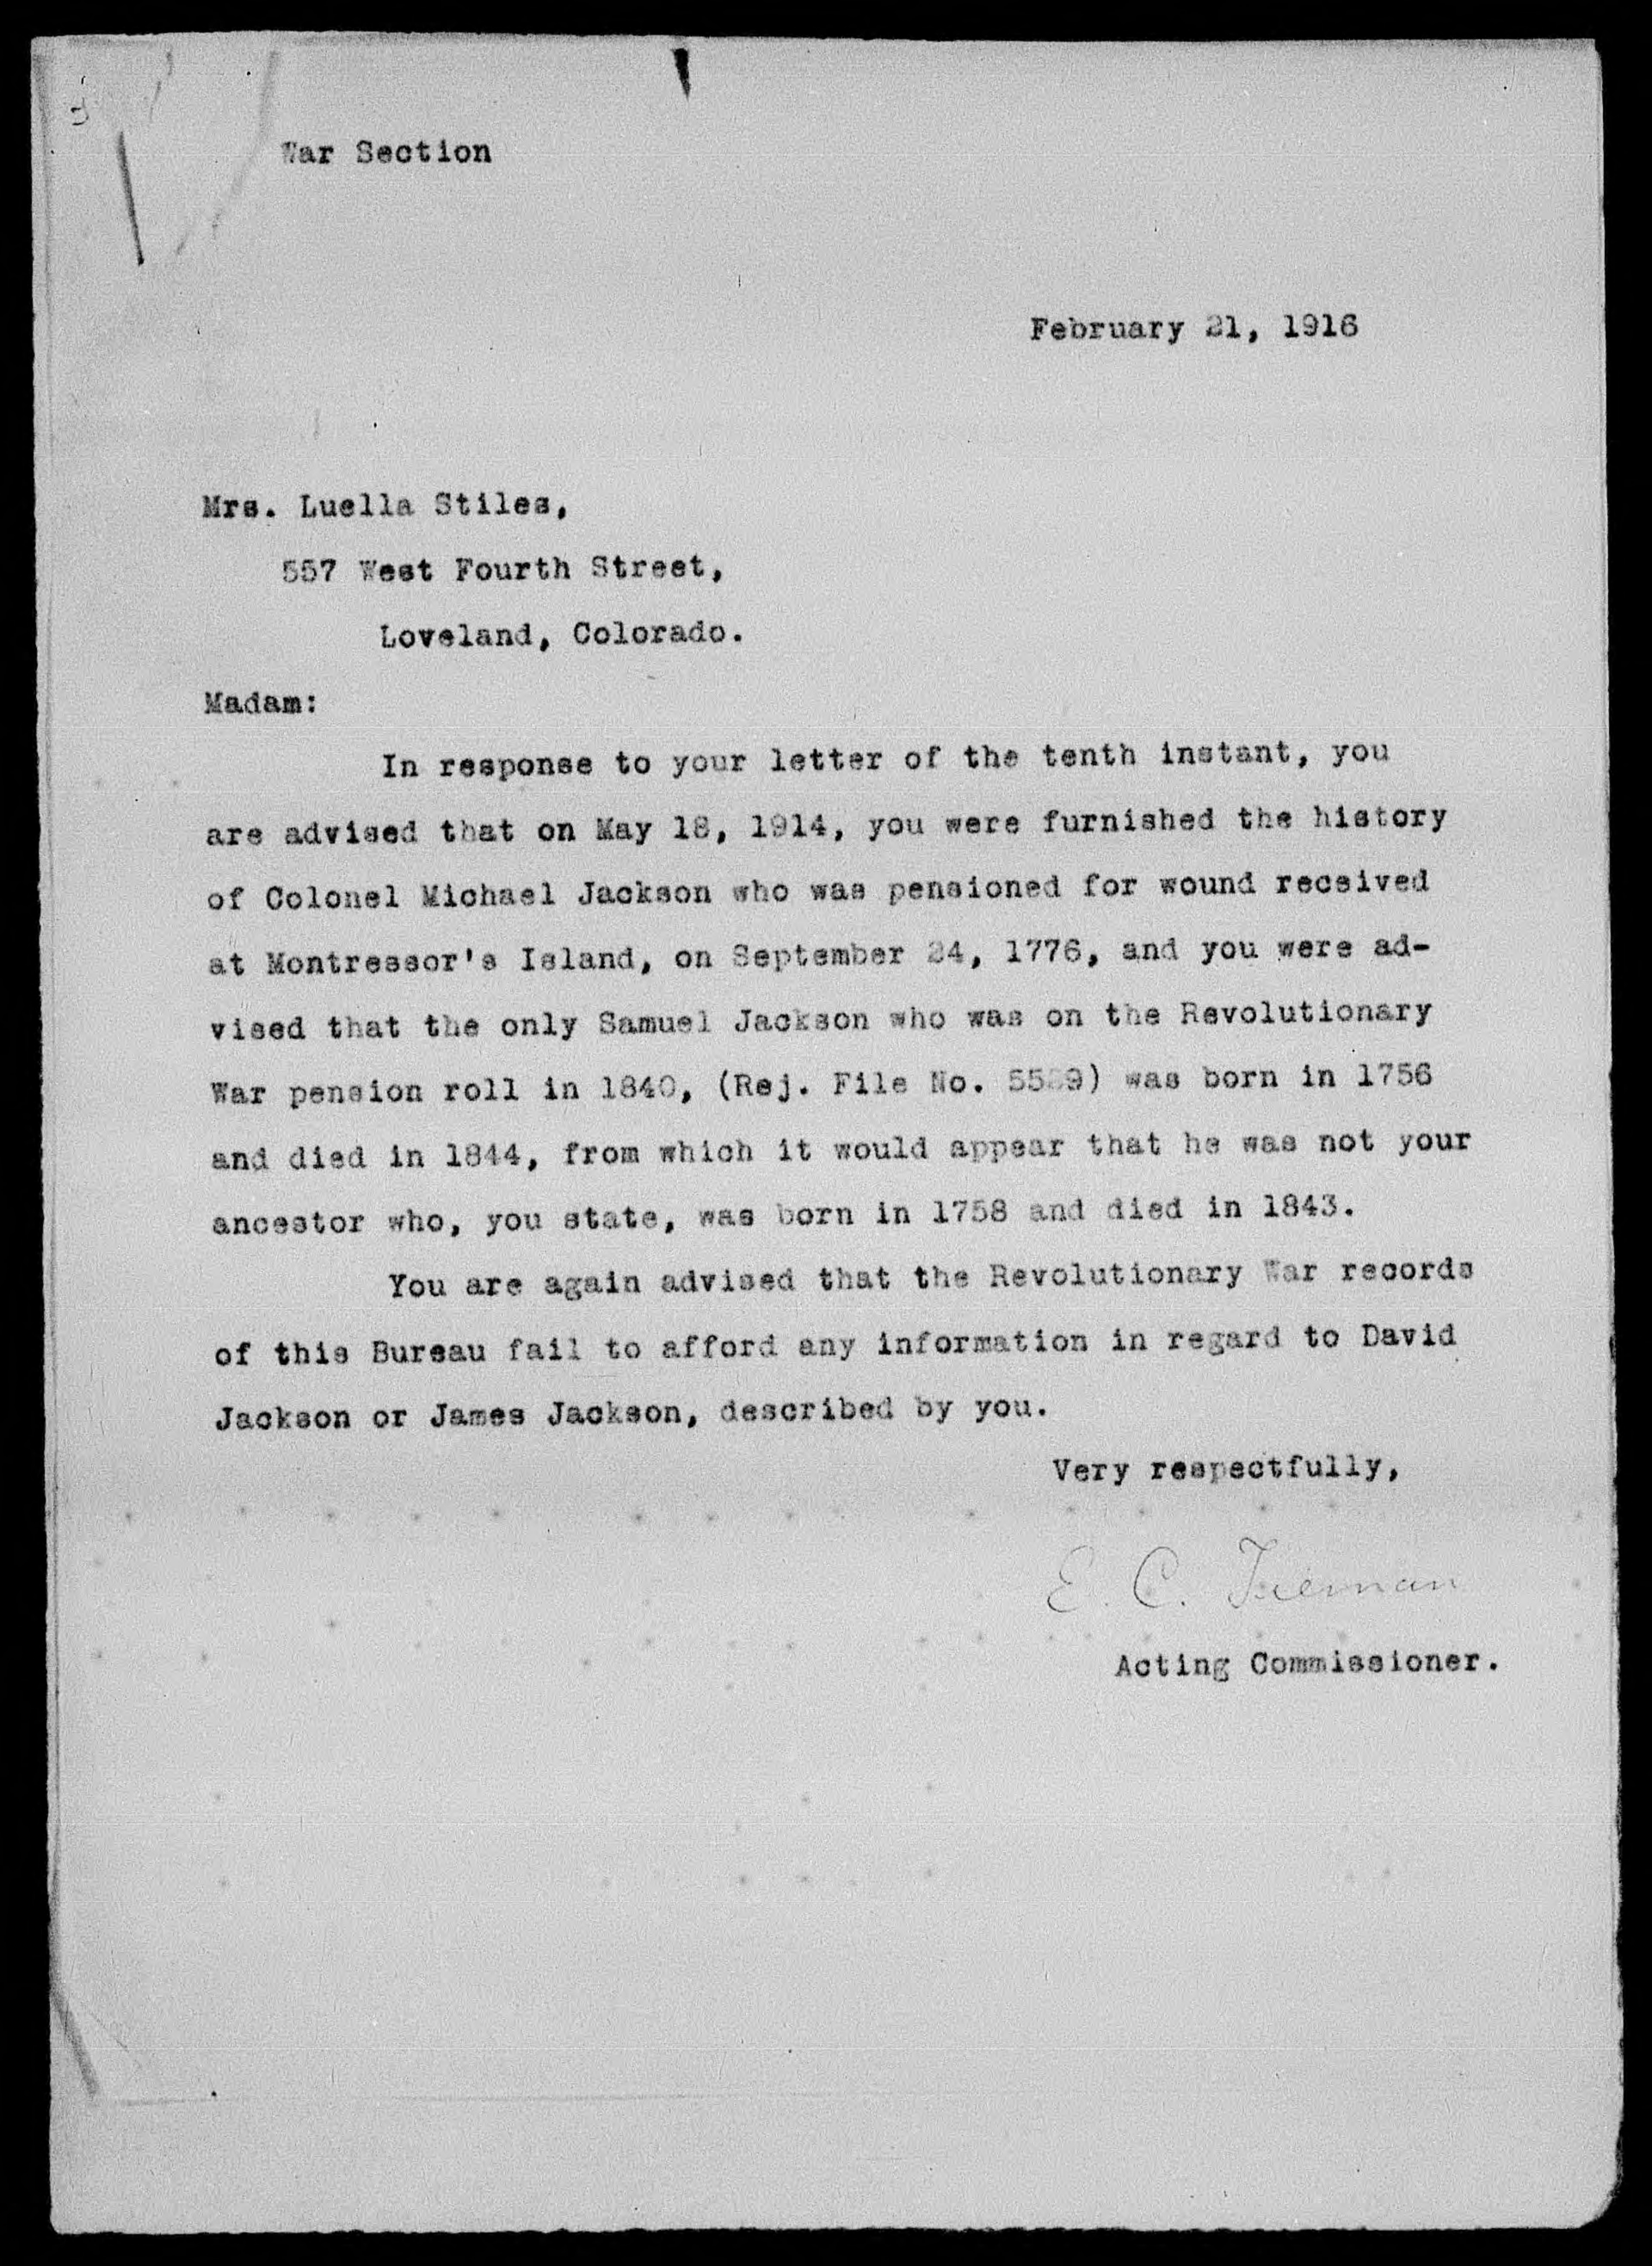War Section

February 21, 1916

Mrs. Luella Stiles,
557 West Fourth Street,
Loveland, Colorado.

Madam:
In response to your letter of the tenth instant, you
are advised that on May 18, 1914, you were furnished the history
of Colonel Michael Jackson who was pensioned for wound received
at Montressor's Island, on September 24, 1776, and you were advised
that the only Samuel Jackson who was on the Revolutionary War
pension roll in 1840, (Rej. File No. 555329) was born in 1756
and died in 1844, from which it would appear that he was not your
ancestor who, you state, was born in 1758 and died in 1843.
You are again advised that the Revolutionary War records
of this Bureau fail to afford any information in regard to David
Jackson or James Jackson, described by you.
Very respectfully,
C. Freeman
Acting Commissioner.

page: 52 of 56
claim: rejected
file: R 5529, for Samuel Jackson, Virginia